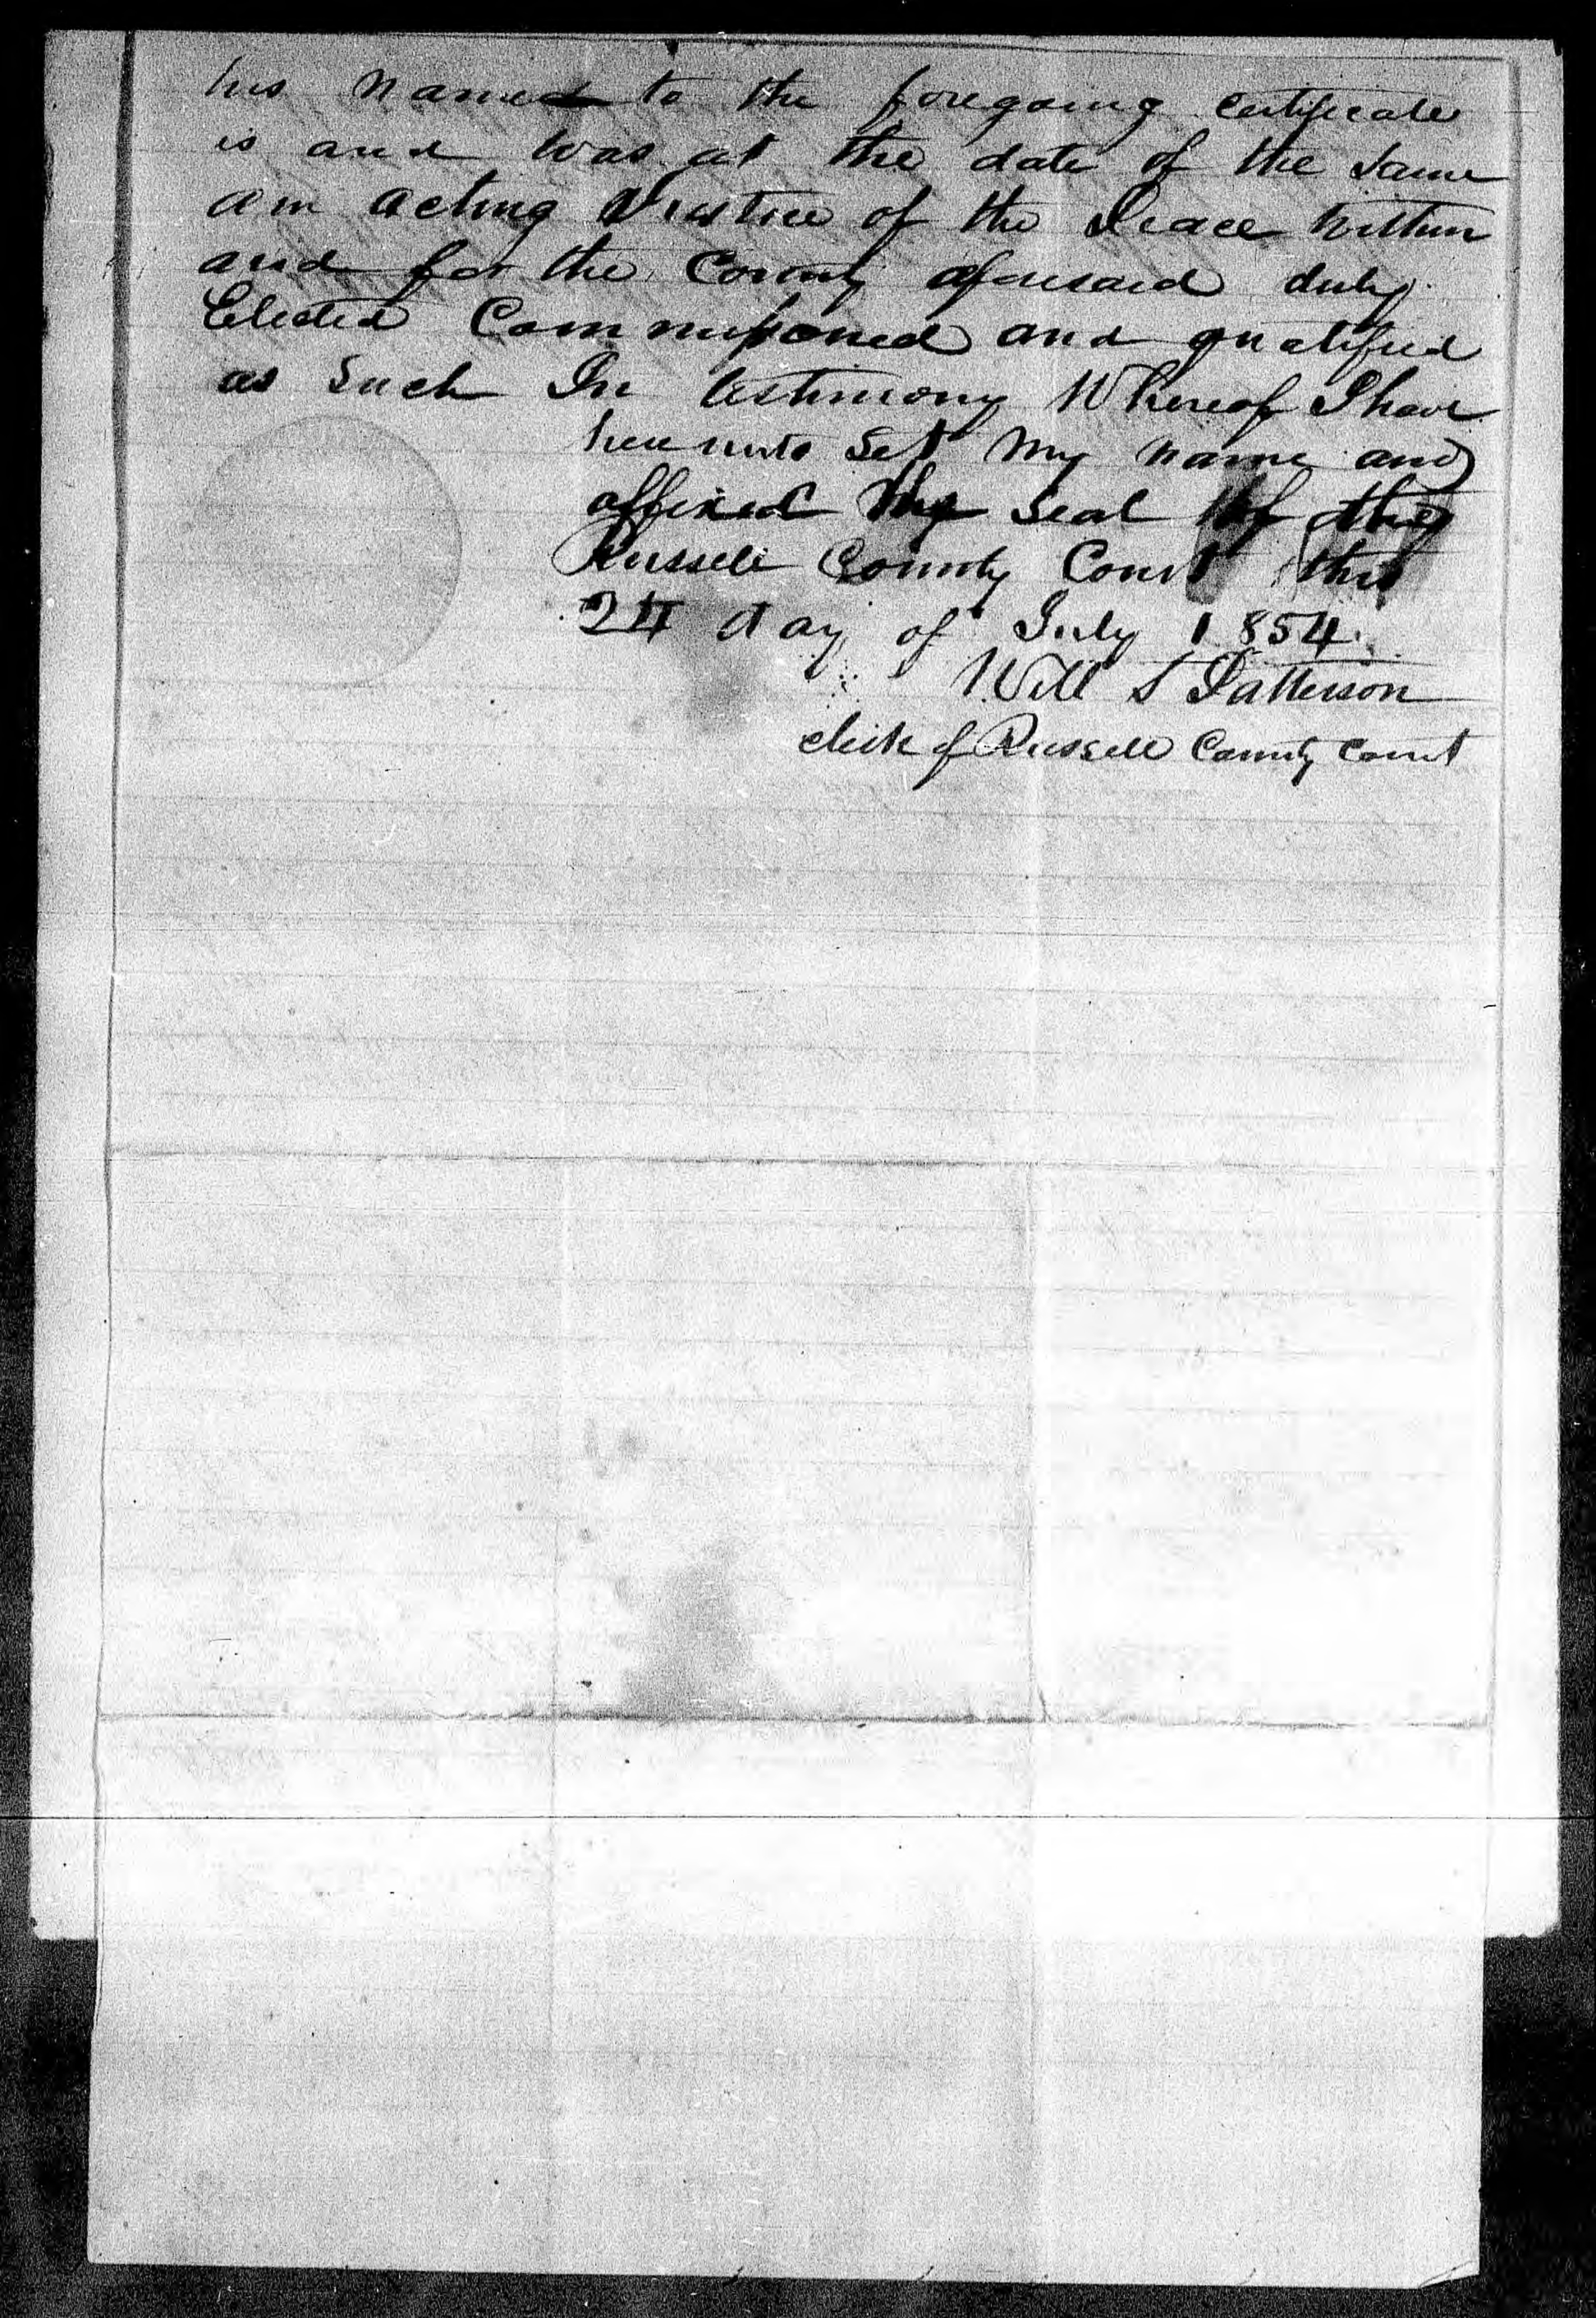his name to the foregoing certificate is and was a t the date of the same an acting Justice of the Peace within and for the county aforesaid duly elected commissioned and qualified as such. In testimony whereof I have here unto set my name and affixed the seal of the Russell County Court this 24th day of July 1854. [signed] Will S. Patterson Clerk of Russell County court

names: Will S Patterson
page: 60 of 91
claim: widow's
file: W 358, John Grider, N.C.